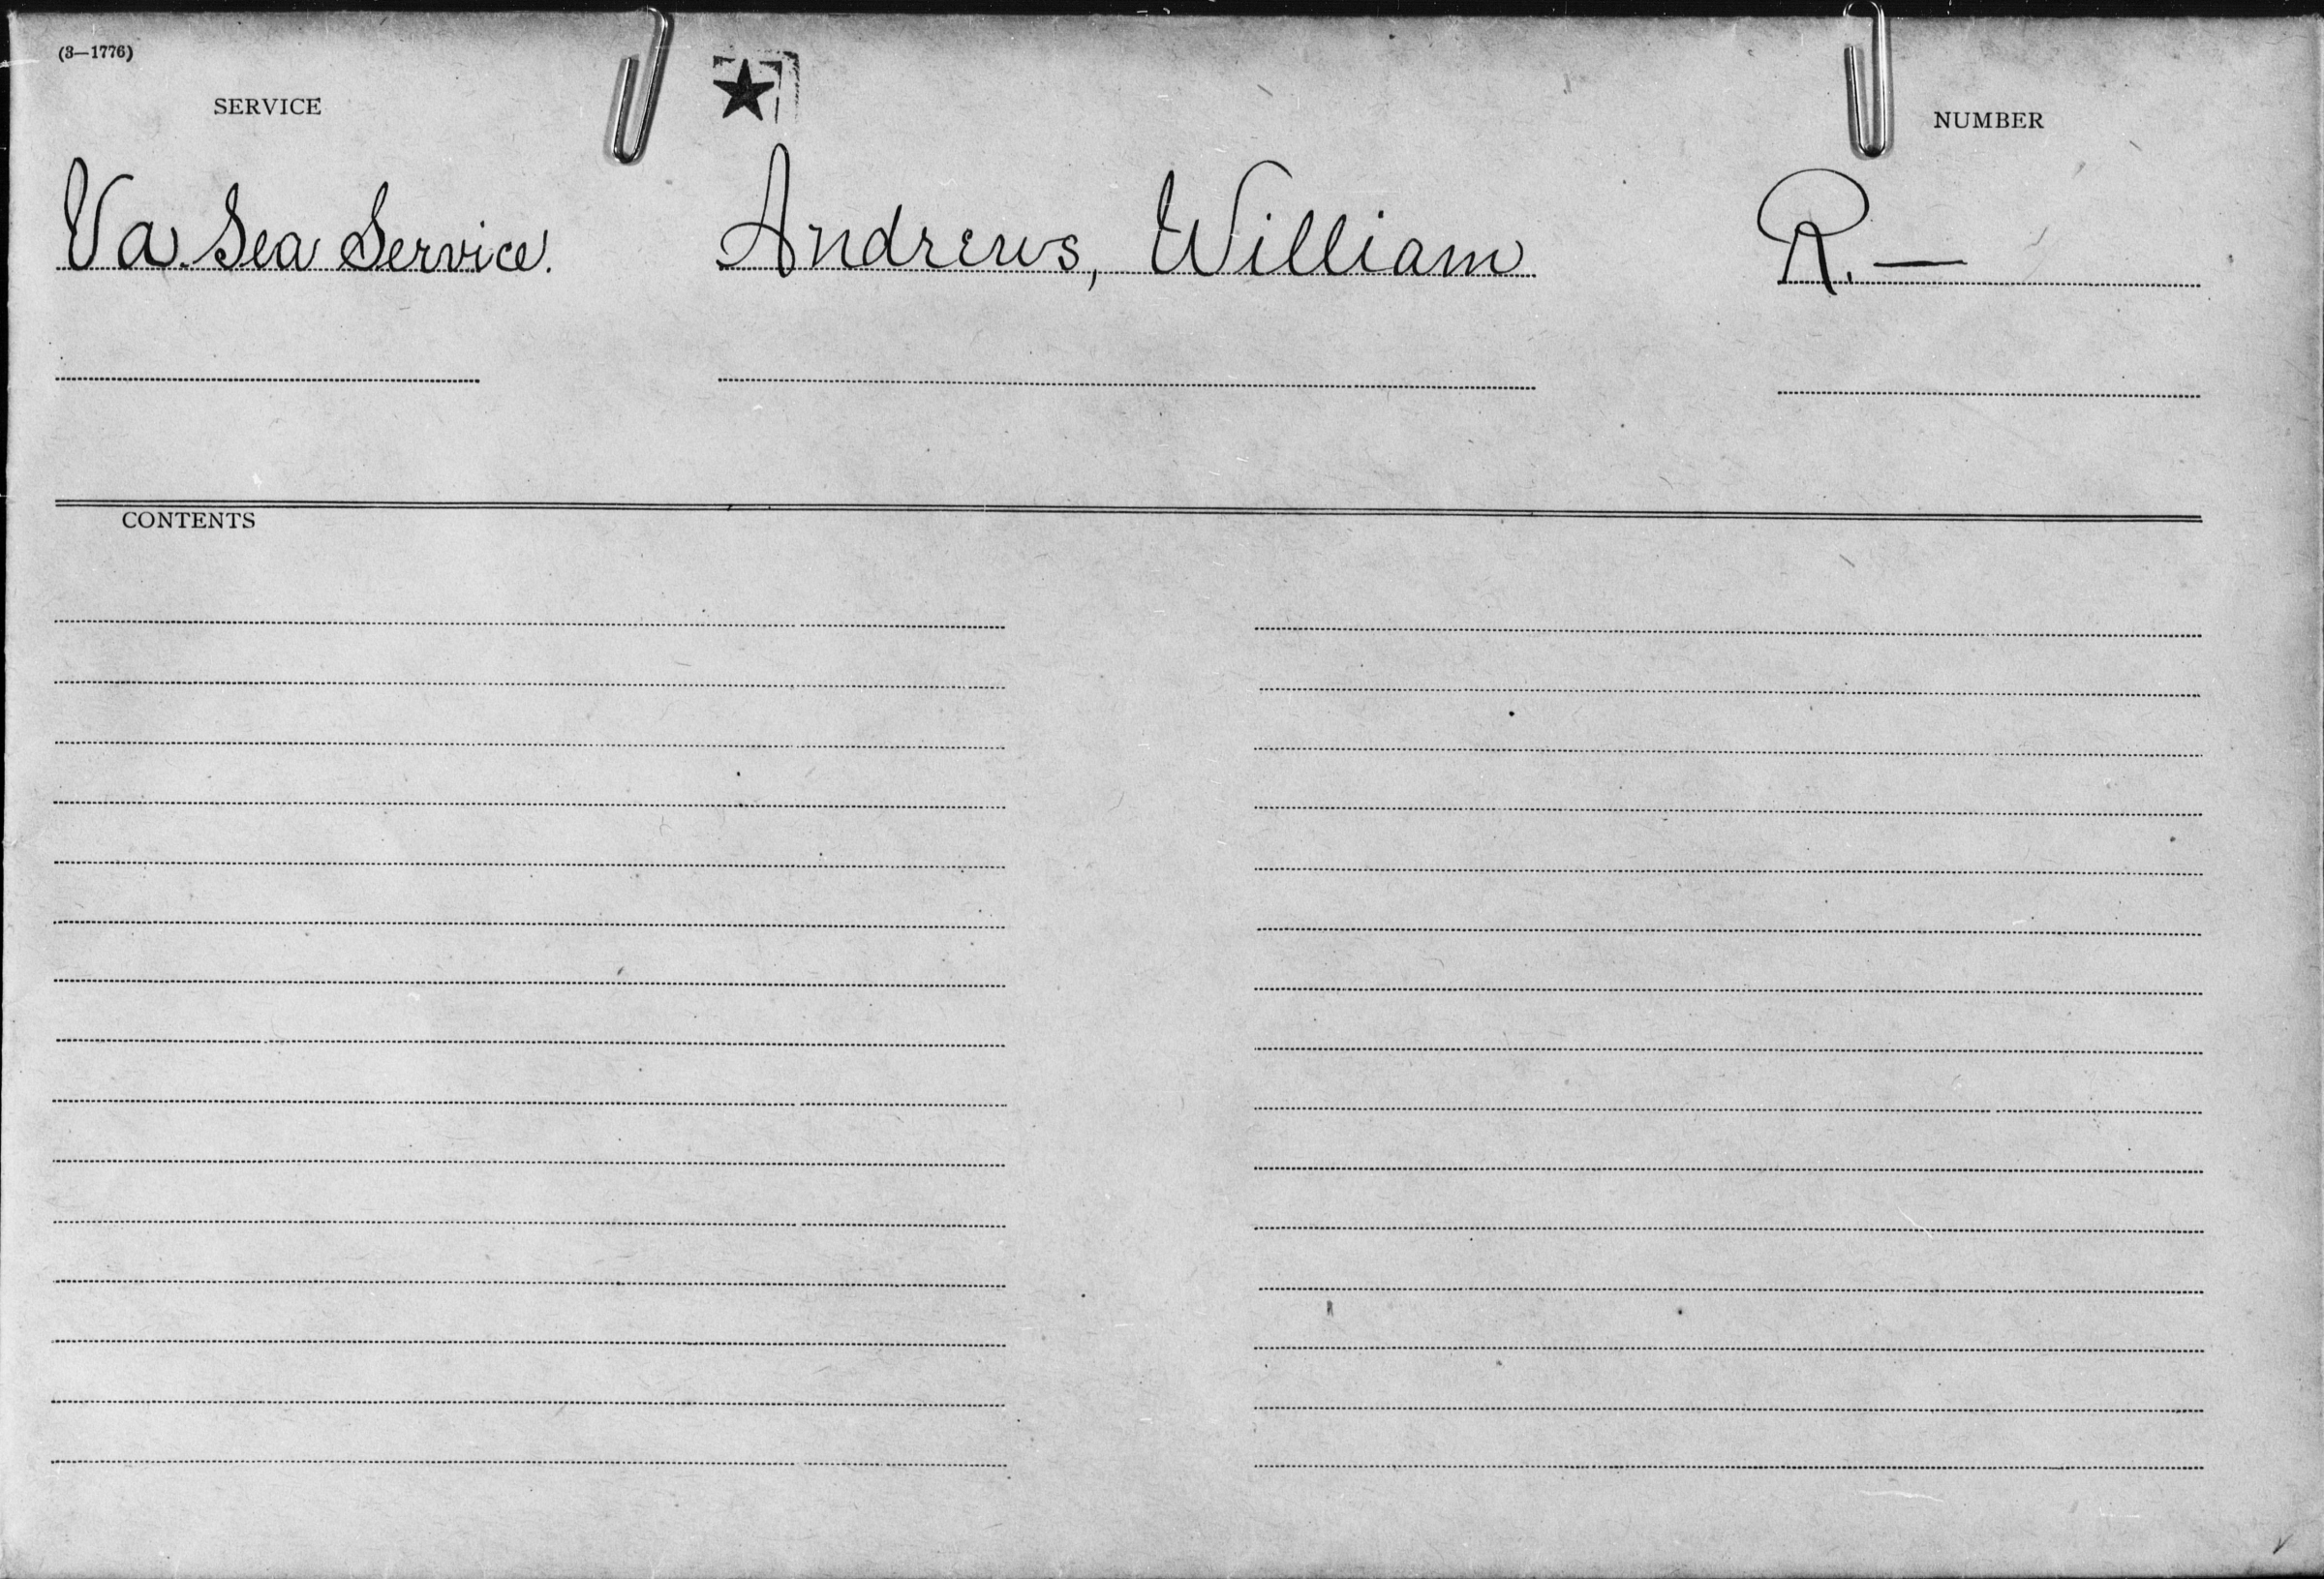SERVICE: Va Sea Service
Andrews, William
NUMBER: R.-
CONTENTS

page: 1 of 6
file: [BLANK], William Andrews, Va. Sea Service